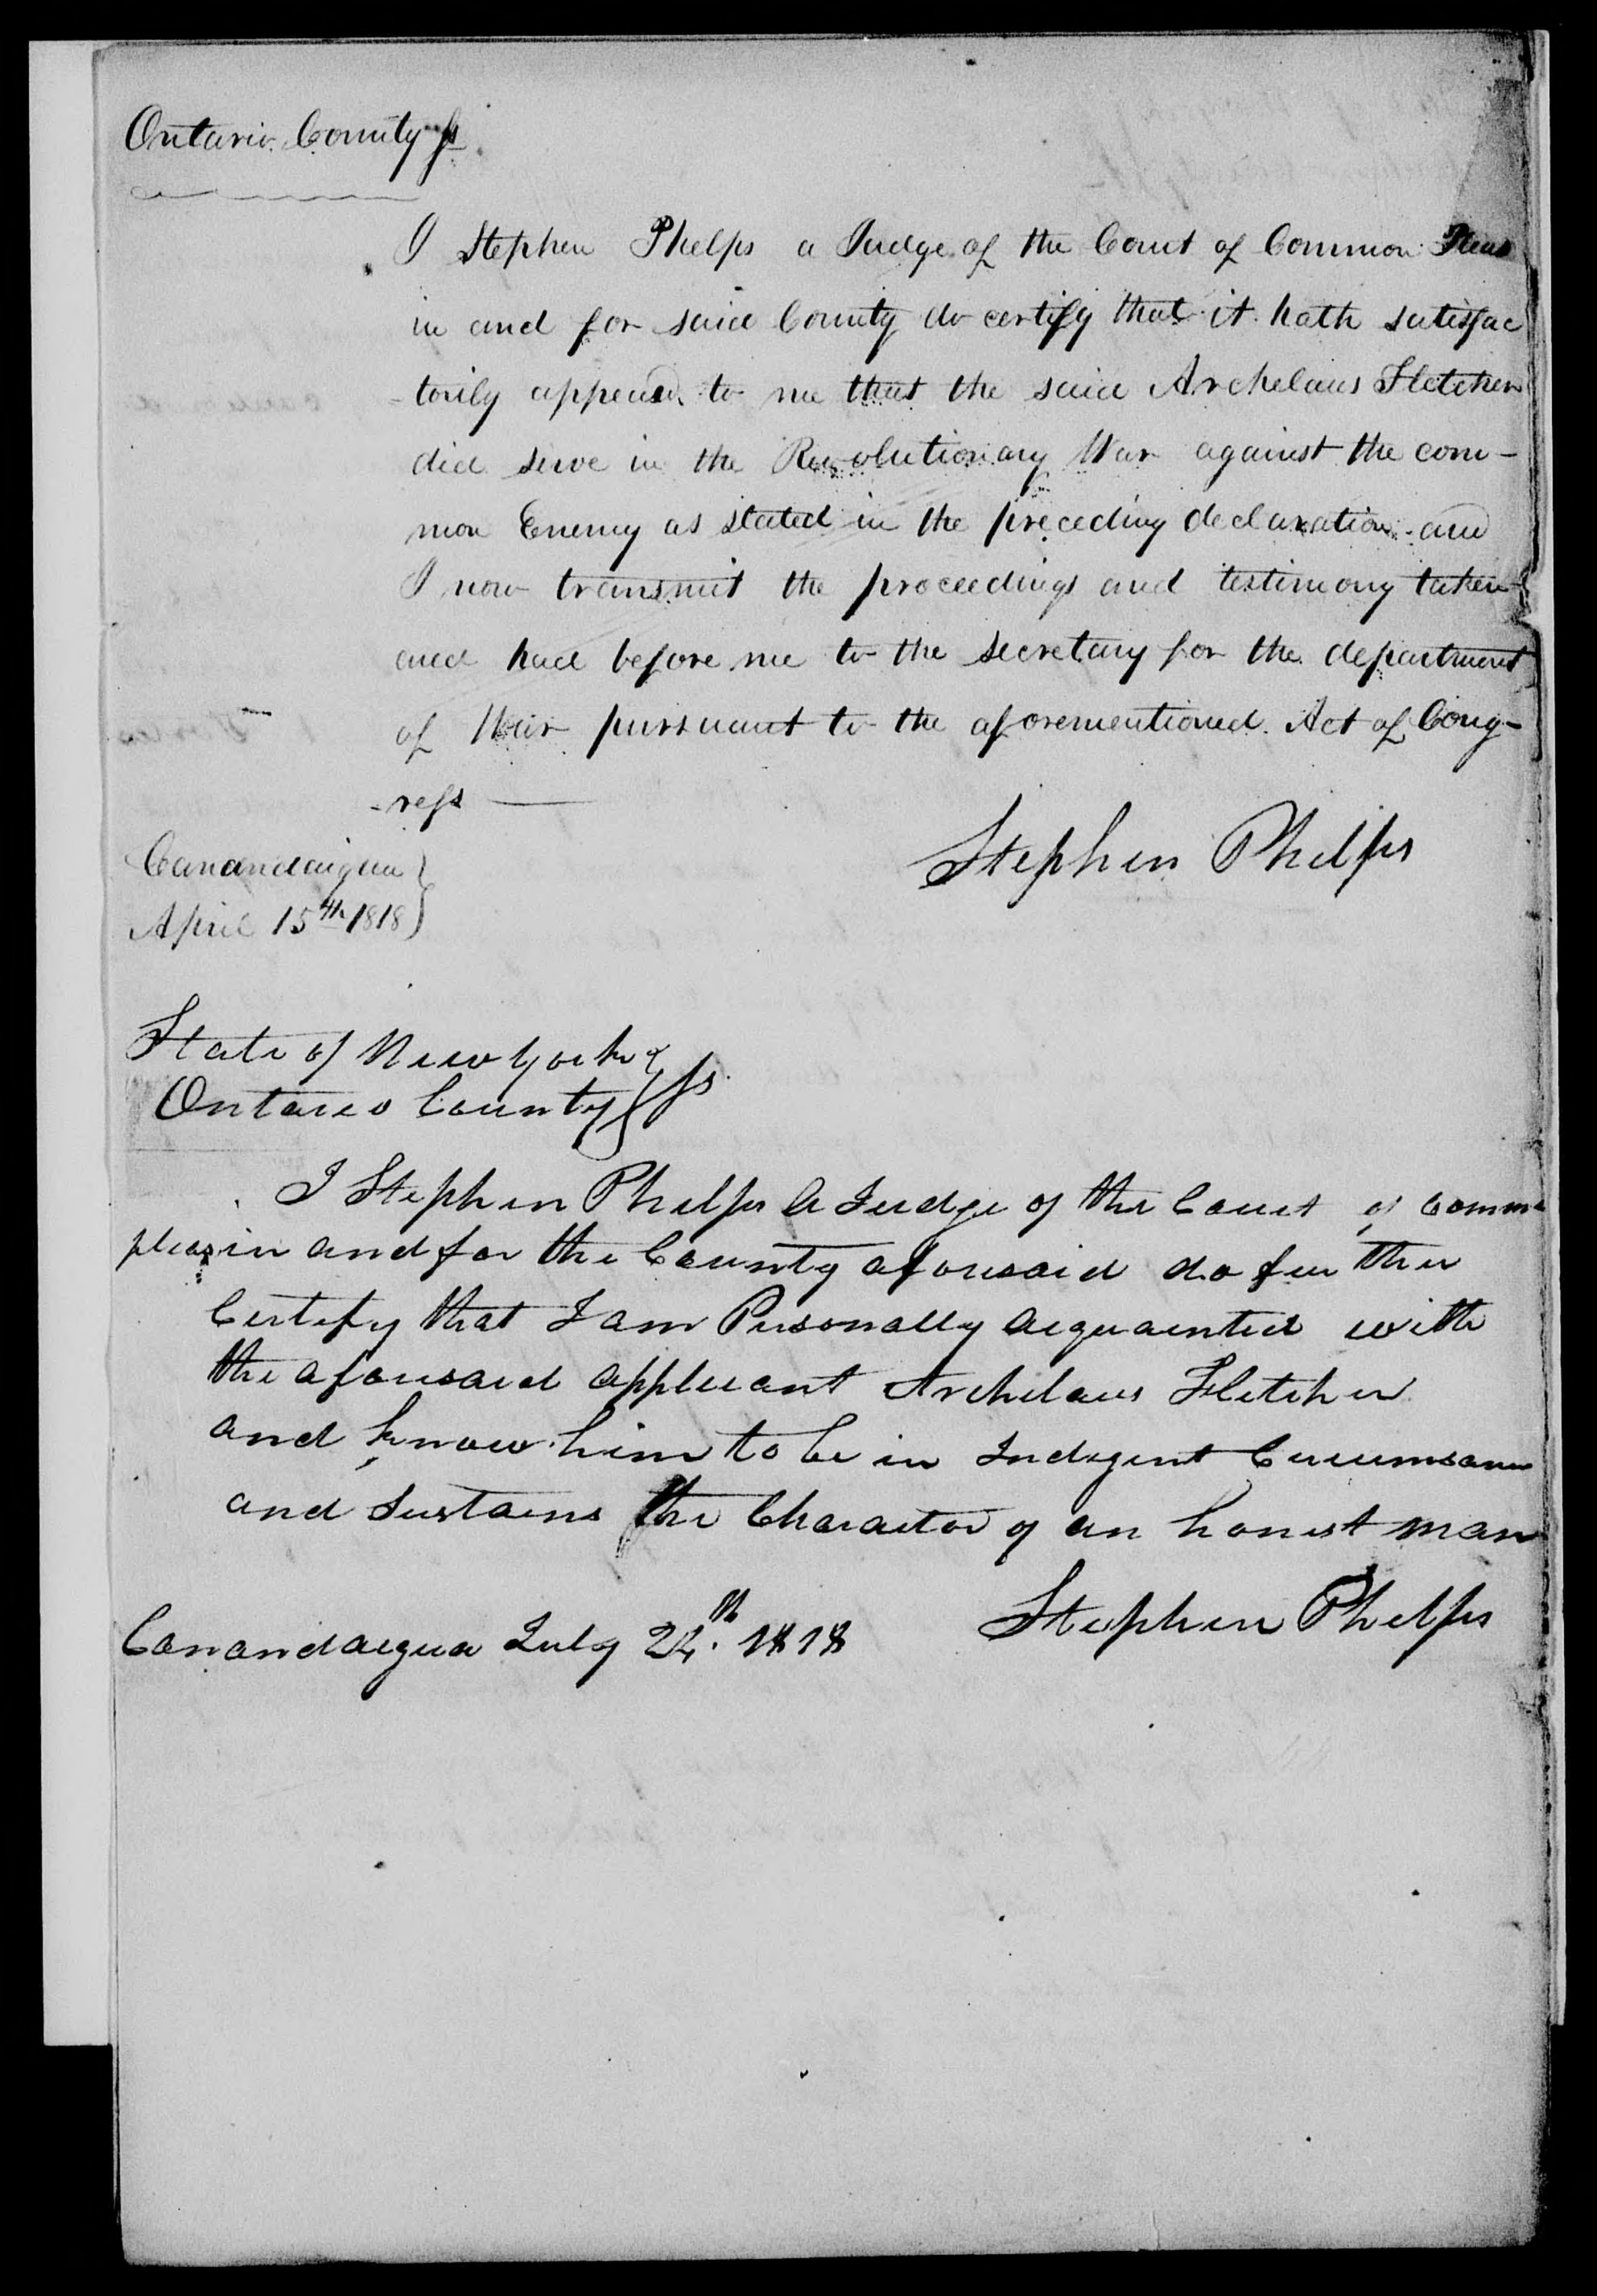Ontario County Ss.
I Stephen Phelps a Judge of the Court of Common Pleas in and for said County do certify that it hath satisfactorily appeared to me that the said Archelaus Fletcher did serve in the Revolutionary War against the common Enemy as  stated in the preceding declaration and I now transmit the proceedings and testimony taken and had before me to the Secretary for the Department of War pursuant to the aforementioned Act of Congress -
[signed] Stephen Phelps
Canandaigua
April 15th 1818}

State of New York
Ontario County Ss.
I Stephen Phelps A Judge of the Court of Common Pleas in and for the County aforesaid do further certify that I am personally acquainted with the aforesaid applicant Archelaus Fletcher and know him to be in indigent circumstances and sustains the character of an honest man
[signed] Stephen Phelps
Canandaigua July 24th 1818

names: Archelaus Fletcher, Stephen Phelps, Stephen Phelps, Archilaus Fletcher, Stephen Phelps, Stephen Phelps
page: 5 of 18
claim: survivor's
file: S. 44822, Archelaus Fletcher, Mass.